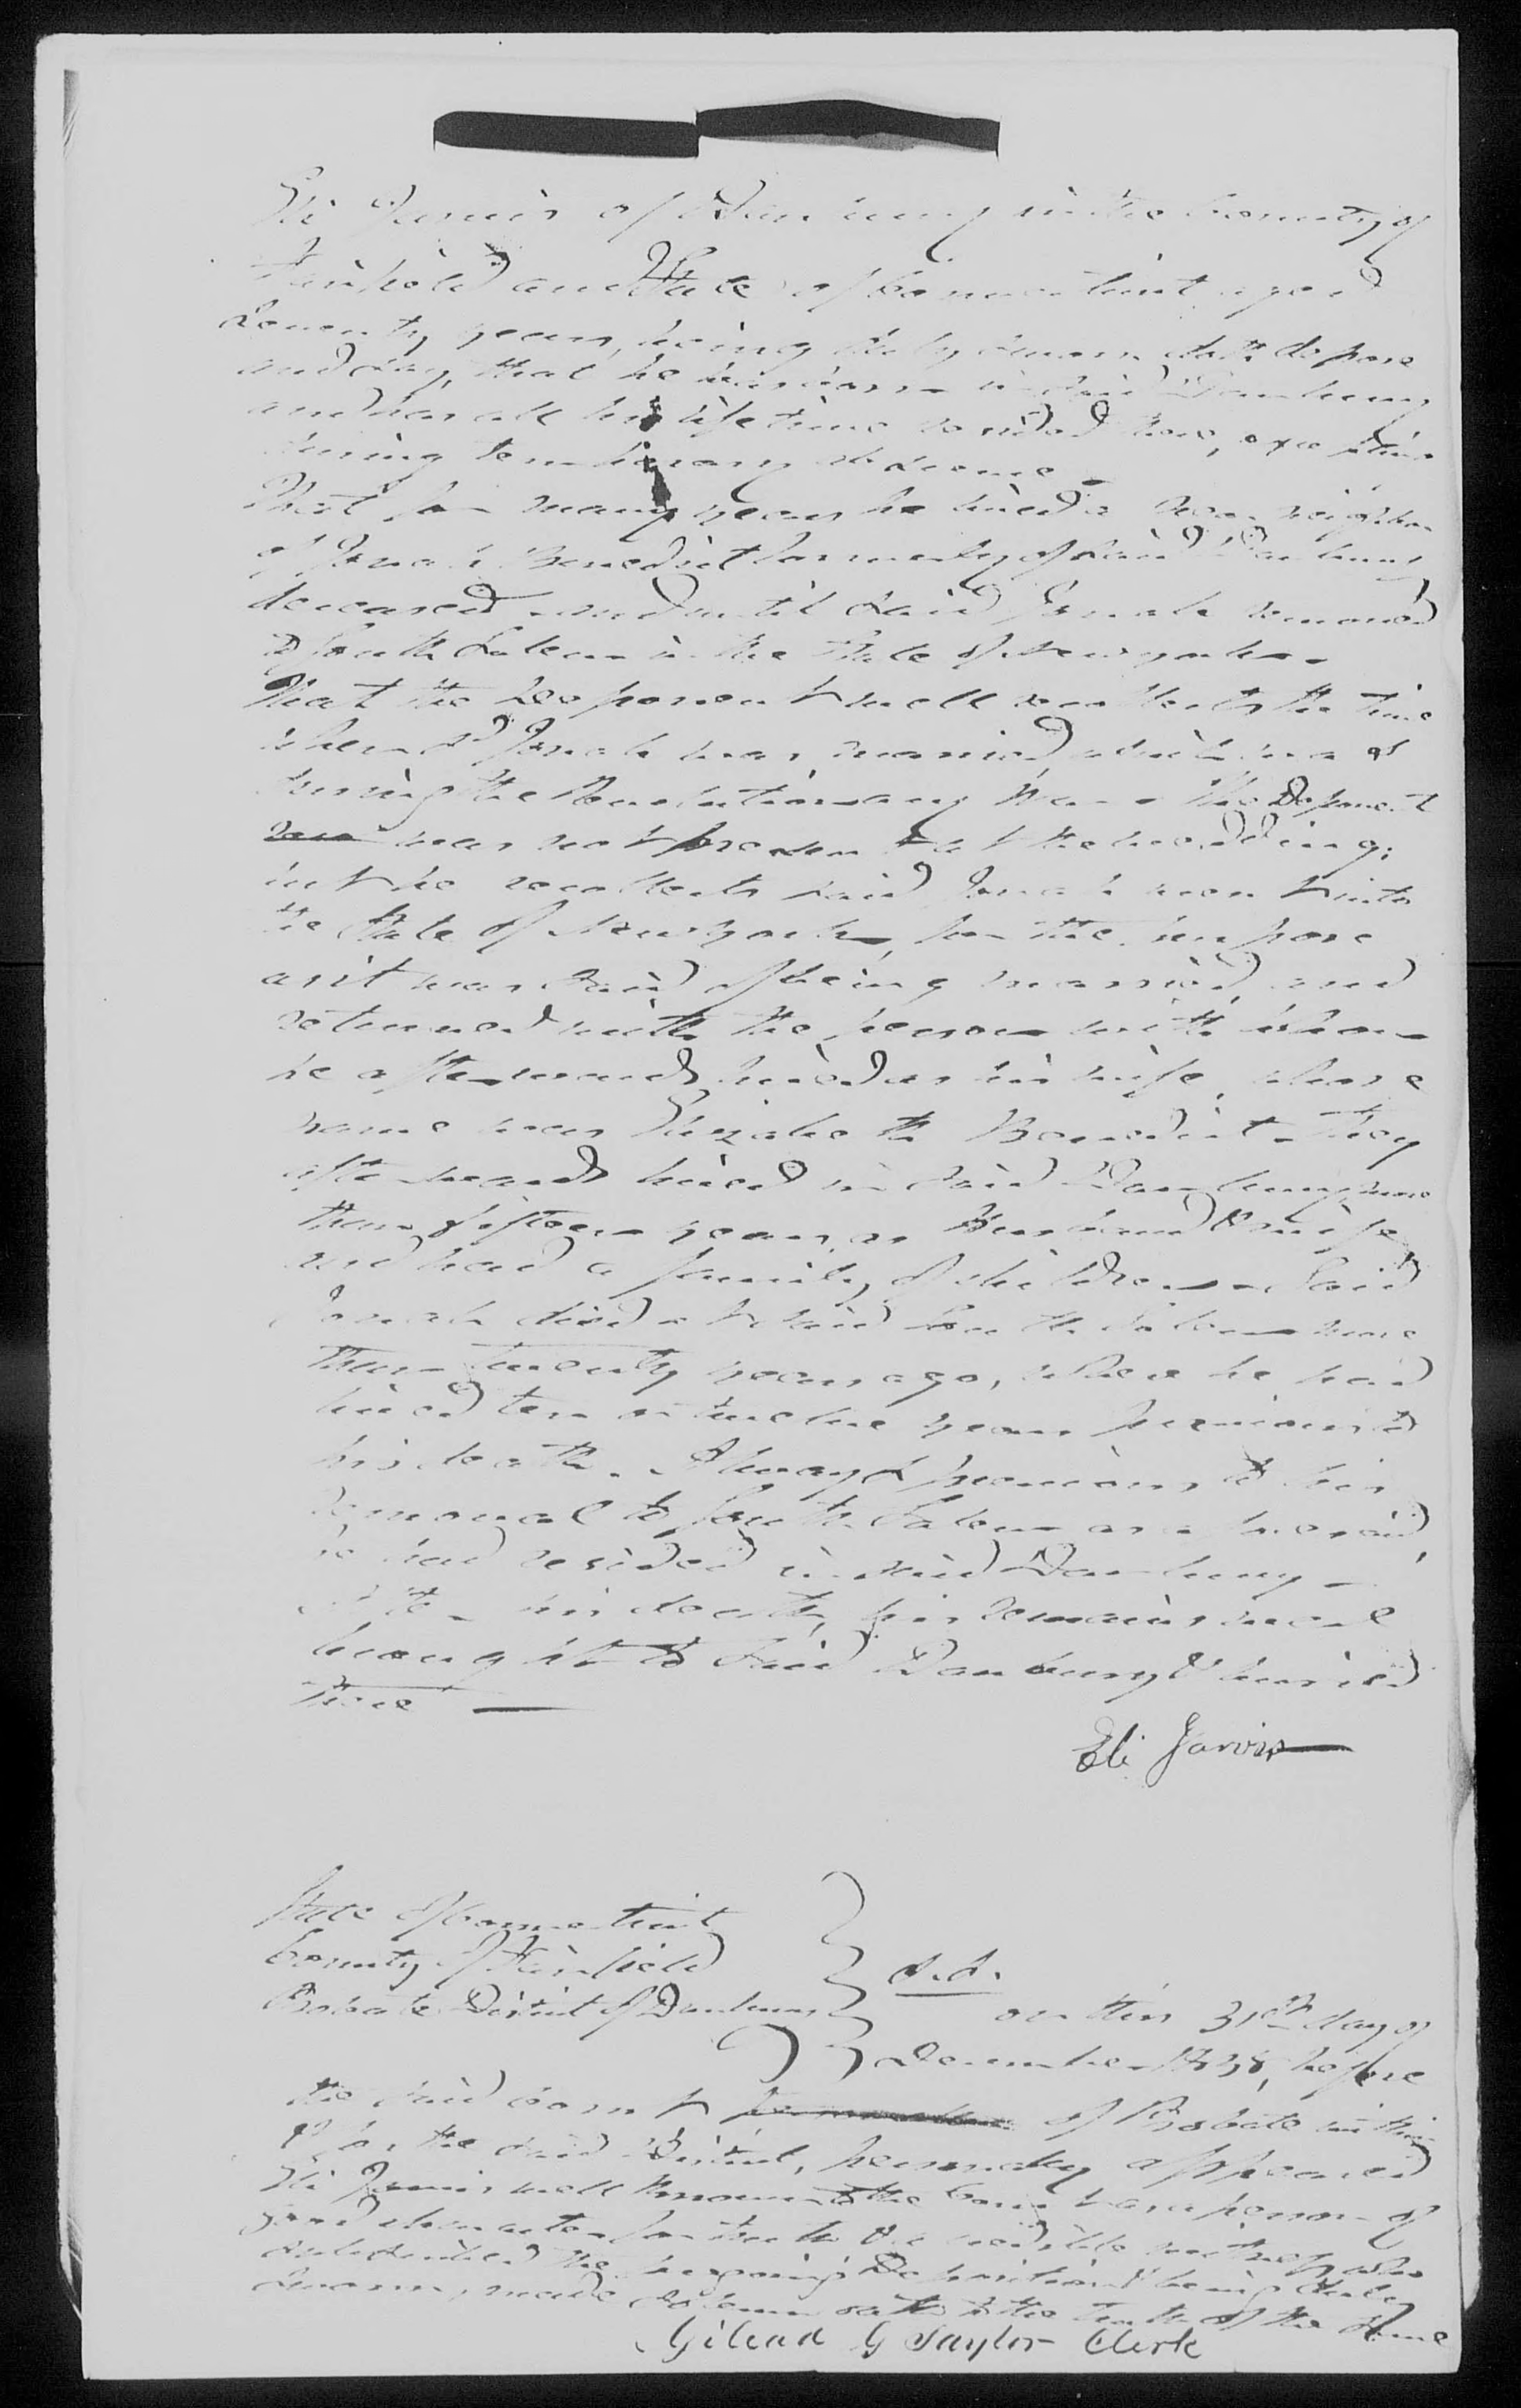Eli Jarvis of Danbury in the County of
Fairfield and State of Connecticut aged
Seventy years being duly sworn doth depose
and say that he ????? in said Danbury

    REMAINDER IS NOT TRANSCRIBED

of
holden at
taringdon
and that he
enlisted or exec
ing tempane
---
that many years he lived
at Benedictannerly on
deceased until said
South Lee in the the town
that the Deponent well at
the said
ing the Revolutionary war
law was not presenting
the said lot
estate of New York for the tempore
standing
)
time with the person to
attend as in wife lease
Vizabeth Bentley
and day
them offhad

peril, shall
died in the
the twenty Young, when he had
into articles
Ala
month at
dred
said Day
in this
and &
&
---
                                            Eli Jarvis
Carmine
County field
Barton
on this 30th day of
cember 1838, he
of Probate
the said int he appeared
He is well know the Common
to
the going east
at the
Gilead G Taylor Clerk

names: Gilead G Taylor, Elizabeth Benedict, Jonah Benedict, Jonah, Eli Jarvis, Jonah Benedict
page: 20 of 56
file: [ILLEGIBLE], Jonah Benedict, Conn.